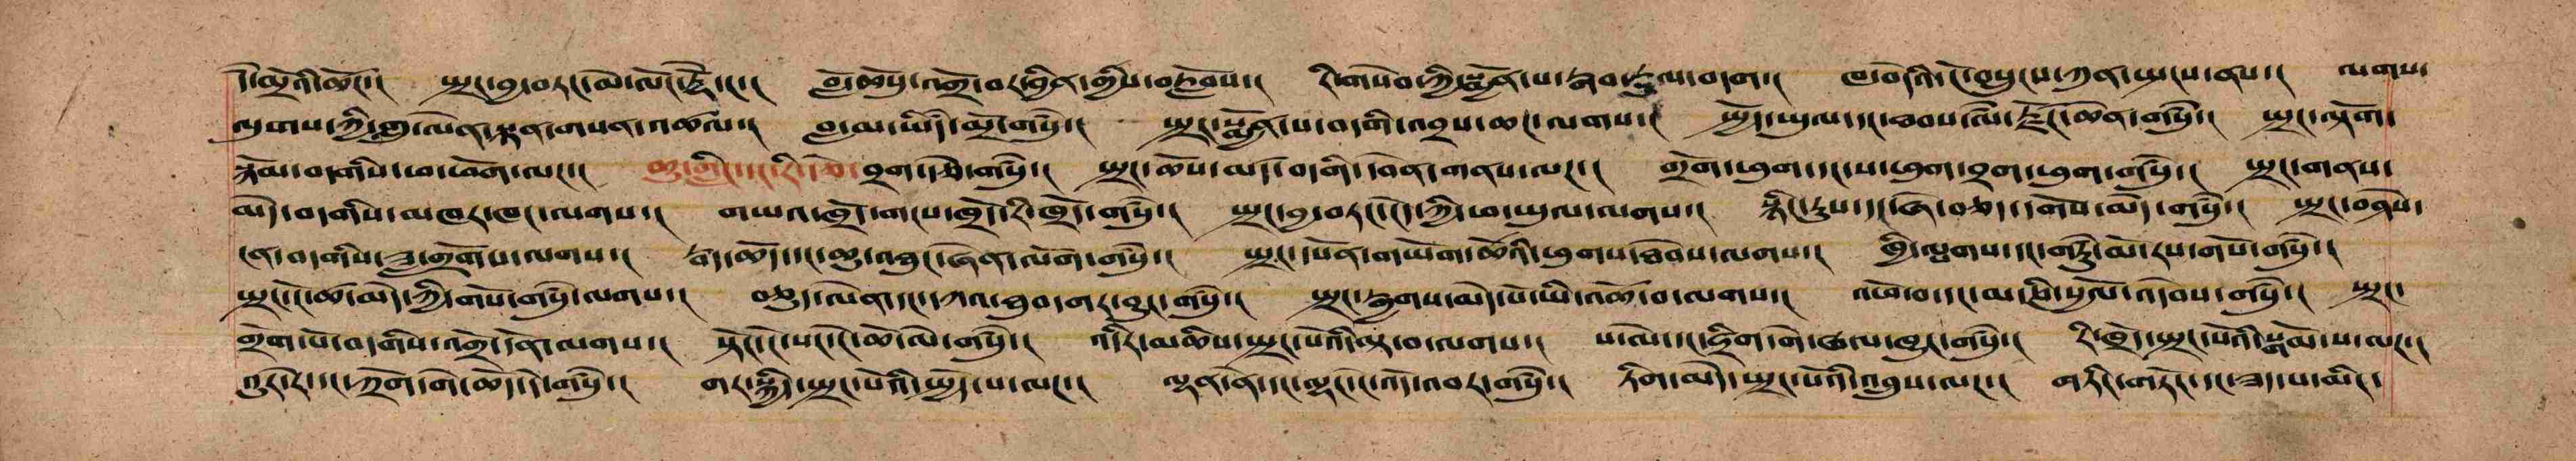དམ་མཁའ་འགྲོའི་ཚོགས། སྤྲང་བྱ་བཏང་མེ་ལོང་རྡོ་རྗེ་ང་། བློ་ཆོས་སུ་འགྲོ་བར་བྱིན་གྱིས་བརློབས། རི་གསེབ་ཀྱི་སྨྱོན་པ་རྒབ་རྡུལ་བདག། ཁ་བདེའི་ངོ་བསྲུངས་ཀུན་སྤངས་ནས། ལགས་
ལུགས་ཀྱི་གླུ་ལེན་སྐན་གསན་འཚལ། བླ་མ་ཡིད་དམ་མཁའ་འགྲོ་གསུམ། སྤྲང་སྨྱོན་པ་བདག་གི་འབྲས་ཆང་ལགས། སྤྱོད་ཡུལ་དང་ཐབས་ལམ་རྫོང་ཆེན་གསུམ། སྤྲང་ལྟོག་
སྐོམ་བདག་གིས་ཕ་ལོག་ལགས། ཆུ་གླིང་དང་རི་རྩེ་བྲག་རྩེ་གསུམ། སྤྲང་ཆོས་མཛད་བདག་གི་དབེན་གནས་ལགས། གྲོག་ཕུག་དང་ས་ཕུག་བྲག་ཕུག་གསུམ། སྤྲང་གནས་
མེད་བདག་གིས་མཁར་ཁང་ལགས། གཡའ་ཁྲོད་གངས་ཁྲོད་རི་ཁྲོད་གསུམ། སྤྲང་བྱ་བཏང་ངེད་ཀྱི་ཕ་ཡུལ་ལགས། སྙིང་རུས་དང་ཞེ་བཅད་དགོས་མེད་གསུམ། སྤྲང་བཤོས་
ངན་བདགིས་ཟླ་གྲོགས་ལགས། རྒ་ཆོད་དང་ཆུ་འཐུང་ཞེན་ལོག་གསུམ། སྤྲང་དཔོན་གཡོག་ཚེའི་ཕུགས་ཐོབས་ལགས། ཁྱི་ལྤགས་དང་གཏུམ་མོ་རས་གསོ་གསུམ། 
སྤྲང་ངོ་ཚ་མེད་ཀྱི་གོས་གསུམ་ལགས། བཅུད་ལེན་དང་དཀའ་ཐུབ་གར་བྱུང་གསུམ། སྤྲང་རྒྱགས་མེད་པོ་ཡི་འཚེ་བ་ལགས། འཕོ་བ་དང་མ་ཎི་གསོལ་འདེབས་གསུམ། སྤྲང་
གྲོགས་པོ་བདག་གིས་འགྲོ་དོན་ལགས། སྟོང་ངེ་སང་ངེ་ཆོ་ལེ་གསུམ། འདིར་མཆིས་སྤྲང་པོའི་ལྟ་བ་ལགས། ས་ལེ་དང་ཧྲིག་གེ་ཝལ་ཁྱུང་གསུམ། རི་ཁྲོད་སྤྲང་པོའི་སྒོམ་པ་ལགས། 
འུར་རེ་དང་ཀྲོག་གེ་ཆོད་དེ་གསུམ། གར་སྐྱིད་སྤྲང་པོའི་སྤྱོད་པ་ལགས། ལྷན་ནེ་དང་ལྷང་ངེ་འོད་འབར་གསུམ། ཏིག་མེད་སྤྲང་པོའི་འབྲས་བུ་ལགས། གཏིང་གཏེར་དང་ཟད་པ་མིང་